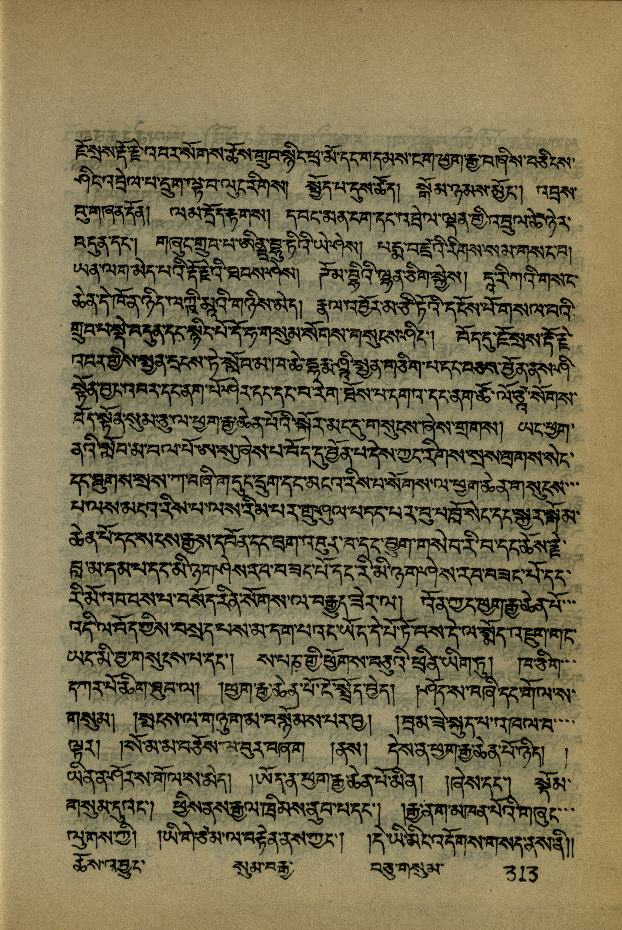ཇོ་སྲས་རྡོ་རྗེ་འབར་སོགས་ཆོས་གྲུབ་སྙིང་ཕྲ་མོ་དང་གདམས་ངག་ཕྱག་རྒྱ་བཞིས་བཅིངས་
ཤིང་འབྲེལ་པ་དྲུག་ལྟ་བ་ལུང་རིགས། སྤྱོད་པ་དུས་ཚོད། སྒོམ་ཉམས་མྱོང་། འབྲས་
བུ་གཞན་དོན། ལམ་དྲོད་རྟགས། དབང་མན་ངག་དང་འབྲེལ་ལྡན་གྱི་འབྲུལ་ཆེ་ཉེར་
བདུན་དང་། གཞུང་གྲུབ་པ་ཨིནྡྲ་བྷུ་ཏིའི་ཡེ་ཤེས། པདམ་བཛྲའི་རིགས་སམ་གསང་བ།
ཡན་ལག་མེད་པའི་རྡོ་རྗེའི་ཐབས་ཤེས། ཌོམ་བྷིའི་ལྷན་ཅིག་སྐྱེས། དཱ་རི་ཀའི་གསང་
ཆེན་དེ་ཁོ་ན་ཉིད་ལཀྵི་མའི་གཉིས་མེད། རྣལ་འབྱོར་མ་ཅི་ཏོའི་དངོས་པོ་གསལ་བའི་
གྲུབ་པ་སྡེ་བདུན་དང་སྙིང་པོ་དོ་ཧ་གསུམ་སོགས་གསུངས་ཤིང་། བོད་དུ་ཇོ་སྲས་རྡོ་རྗེ་
འབར་གྱིས་སྤྱན་དྲངས་ཏེ་སློབ་མ་ཁ་ཆེ་དྷརྨ་ཤྲཱི་སྤྱན་གཅིག་པ་དང་བཅས་བྱོན་ནས་ཤི་
སྟོན་བྱང་འབར་དང་ནག་པོ་ཤེར་དང་དང་བ་རེག་ཐོས་པ་དགའ་དང་ནག་ཚོ་ལོ་ཙཱ་སོགས་
བོད་སྟོན་སུམ་ཅུ་ལ་ཕྱག་རྒྱ་ཆེན་པོའི་སྐོར་མང་དུ་གསུངས་ཞེས་གྲགས། ཡང་ཕྱག་
ནའི་སློབ་མ་བལ་པོ་ཨ་སུ་ཞེས་པ་བོད་དུ་བྱོན་པ་དེས་ཀྱང་རིགས་སྲས་གྲགས་སེང་
དང་ཐུགས་སྲས་ཀ་བཞི་གདུང་དྲུག་དང་མངའ་རིས་པ་སོགས་ལ་ཕྱག་ཆེན་གསུངས་
པ་ལས་མངའ་རིས་པ་ལས་རིམ་པར་གྲུ་ཤུལ་པ་དང་པར་བུ་པ་བློ་སེང་དང་སྐྱར་སྒོམ་
ཆེན་པོ་དང་སངས་རྒྱས་དབོན་དང་བྲག་འབུར་བ་དང་བྱུག་གསེབ་རི་བ་དང་ཆོས་རྗེ་
བླ་མ་དམ་པ་དང་མི་ཉག་ཤེས་རབ་བཟང་པོ་དང་རི་མི་ཉག་ཤེས་རབ་བཟང་པོ་དང་
རི་མོ་འབབས་པ་བསོད་རིན་སོགས་ལ་བརྒྱུད་ཟེར་ལ། འོན་ཀྱང་ཕྱག་རྒྱ་ཆེན་པོ་
འདི་ལ་བོད་ཀྱིས་བསྲད་པས་མ་དག་པའང་ཡོད་དེ་པོ་ཏོ་བས་དེ་ལ་སྨོད་འཇུག་གང་
ཡང་མི་བྱ་གསུངས་པ་དང་། ས་པཎ་གྱི་ཕྱོགས་བཅུའི་ཕྲིན་ཡིག་ཏུ། ཁ་ཅིག་
དཀར་པོ་ཆིག་ཐུབ་ལ། །ཕྱག་རྒྱ་ཆེན་པོ་ངོ་སྤྲོད་བྱེད། །ཤོད་ས་བཞི་དང་གོལ་ས་
གསུམ། །སྤངས་ལ་གཉུག་མ་བསྙོམས་པར་བྱ། །བྲམ་ཟེ་སྐུད་པ་འཁལ་བ་
ལྟར། །སོ་མ་མ་བཅོས་ལ་བུར་བཞག །ནས། དེས་ན་ཕྱག་རྒྱ་ཆེན་པོ་ཉིད། །
ཡིན་ན་ཤོར་ས་གོལ་ས་མེད། །ཡོད་ན་ཕྱག་རྒྱ་ཆེན་པོ་མིན། །ཞེས་དང་། སྡོམ་
གསུམ་དུའང་། ཕྱིས་ནས་རྒྱལ་ཁྲིམས་ནུབ་པ་དང་། །རྒྱ་ནག་མཁན་པོའི་གཞུང་
ལུགས་ཀྱི། །ཡི་གེ་ཙམ་ལ་བརྟེན་ནས་ཀྱང་། །དེ་ཡི་མིང་འདོགས་ས་གསད་ནས་ནི།།